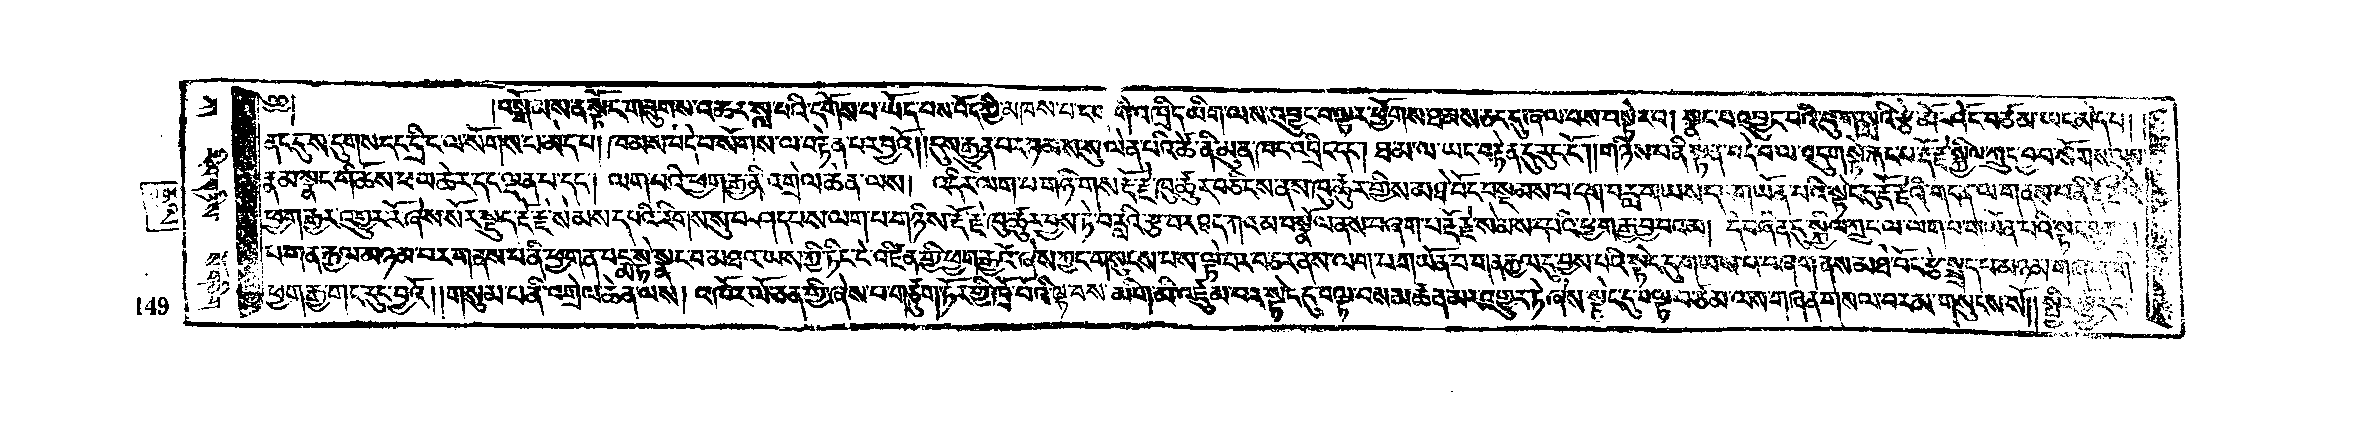༄༅། །བསྒོམས་ན་སྟོང་གཟུགས་འཆར་སླ་བའི་དགོས་པ་ཡོད་པས་བོད་ཀྱི་མཁས་པ་ངག་གི་འཁྲིད་ཡིག་ལས་འབྱུང་བ་ལྟར་ཕྱོགས་ཐམས་ཅད་དུ་ཞལ་བས་བསྟེར་བ། སྣང་བ་འབྱུང་བའི་བུ་ག་སྐྲའི་རྩེ་མོ་ཤོང་བ་ཙམ་ཡང་མེད་པ། །
ནང་དུས་དུགས་དང་དྲིང་ལ་སོགས་པ་མེད་པ། ཁམས་བདེ་བ་སོགས་ལ་བརྟེན་པར་བྱའོ། །དུས་རྒྱུན་པར་ཉམས་སུ་ལེན་པའི་ཚེ་ནི་མུན་ཁང་འབྲིང་དང་། ཐ་མ་ལ་ཡང་བརྟེན་དུ་རུང་ངོ། །གཉིས་པ་ནི་སྟན་བདེ་བ་ལ་འདུག་སྟེ་རྐང་པ་རྡོ་རྗེ་སྐྱིལ་ཀྲུང་བྱ་བ་སོགས་ལུས་
རྣམ་སྣང་གི་ཆོས་ཕལ་ཆེར་དང་ལྡན་པ་དང་། ལག་པའི་ཕྱག་རྒྱ་ནི་འགྲེལ་ཆེན་ལས། འདིར་ལག་པ་གཉི་གས་རྡོ་རྗེ་ཁུ་ཚུར་བཅིངས་ནས་ཁུ་ཚུར་གྱིས་མཐེ་བོང་བསྡམས་པ་དག་བརླ་གཡས་དང་གཡོན་པའི་སྟེང་དུ་རྡོ་རྗེའི་གདན་ལ་གནས་པ་ནི་རྡོ་རྗེའི་
ཕྱག་རྒྱར་འགྱུར་རོ་ཞེས་སོར་སྡུད་རྡོ་རྗེ་སེམས་དཔའི་རིགས་སུ་བཤད་པས་ལག་པ་གཉིས་རྡོ་རྗེ་ཁུ་ཚུར་བྱས་ཏེ་བརླའི་རྩ་བར་ཐད་ཀའམ་བ་སྣོལ་ནས་བཞག་པ་རྡོ་རྗེ་སེམས་དཔའི་ཕྱག་རྒྱ་བྱ་བའམ། དེ་བཞིན་དུ་སྐྱིལ་ཀྲུང་ལ་ལག་པ་གཡོན་པའི་སྟེང་དུ་གཡས?
པ་གན་རྐྱལ་མཉམ་པར་གནས་པ་ནི་ཕྱག་ན་པདམ་སྟེ་སྣང་བ་མཐའ་ཡས་ཀྱི་ཏིང་ངེ་འཛིན་གྱི་ཕྱག་རྒྱའོ་ཞེས་ཀྱང་གསུངས་པས་ལྟེ་བར་བཅར་ནས་ལག་པ་གཡོན་པ་གན་རྐྱལ་དུ་བྱས་པའི་སྟེང་དུ་གཡས་པ་བཞག་ནས་མཐེ་བོང་རྩེ་སྤྲད་པ་མཉམ་གཞག་གི་
ཕྱག་རྒྱ་གང་རུང་བྱའོ། །གསུམ་པ་ནི་འགྲེལ་ཆེན་ལས། འཁོར་ལོ་ཅན་གྱི་ཞེས་པ་གཙུག་ཏོར་གྱི་ཁྲོ་བོའི་ལྟ་བས་མིག་མི་འཛུམ་པར་སྟེང་དུ་བལྟ་བས་མཚན་མར་འགྱུར་ཏེ་ཞེས་སྟེང་དུ་བལྟ་བ་ཙམ་ལས་གཞན་གསལ་བར་མ་གསུངས་སོ། །སྤྱིར་སྦྱོར་བ་